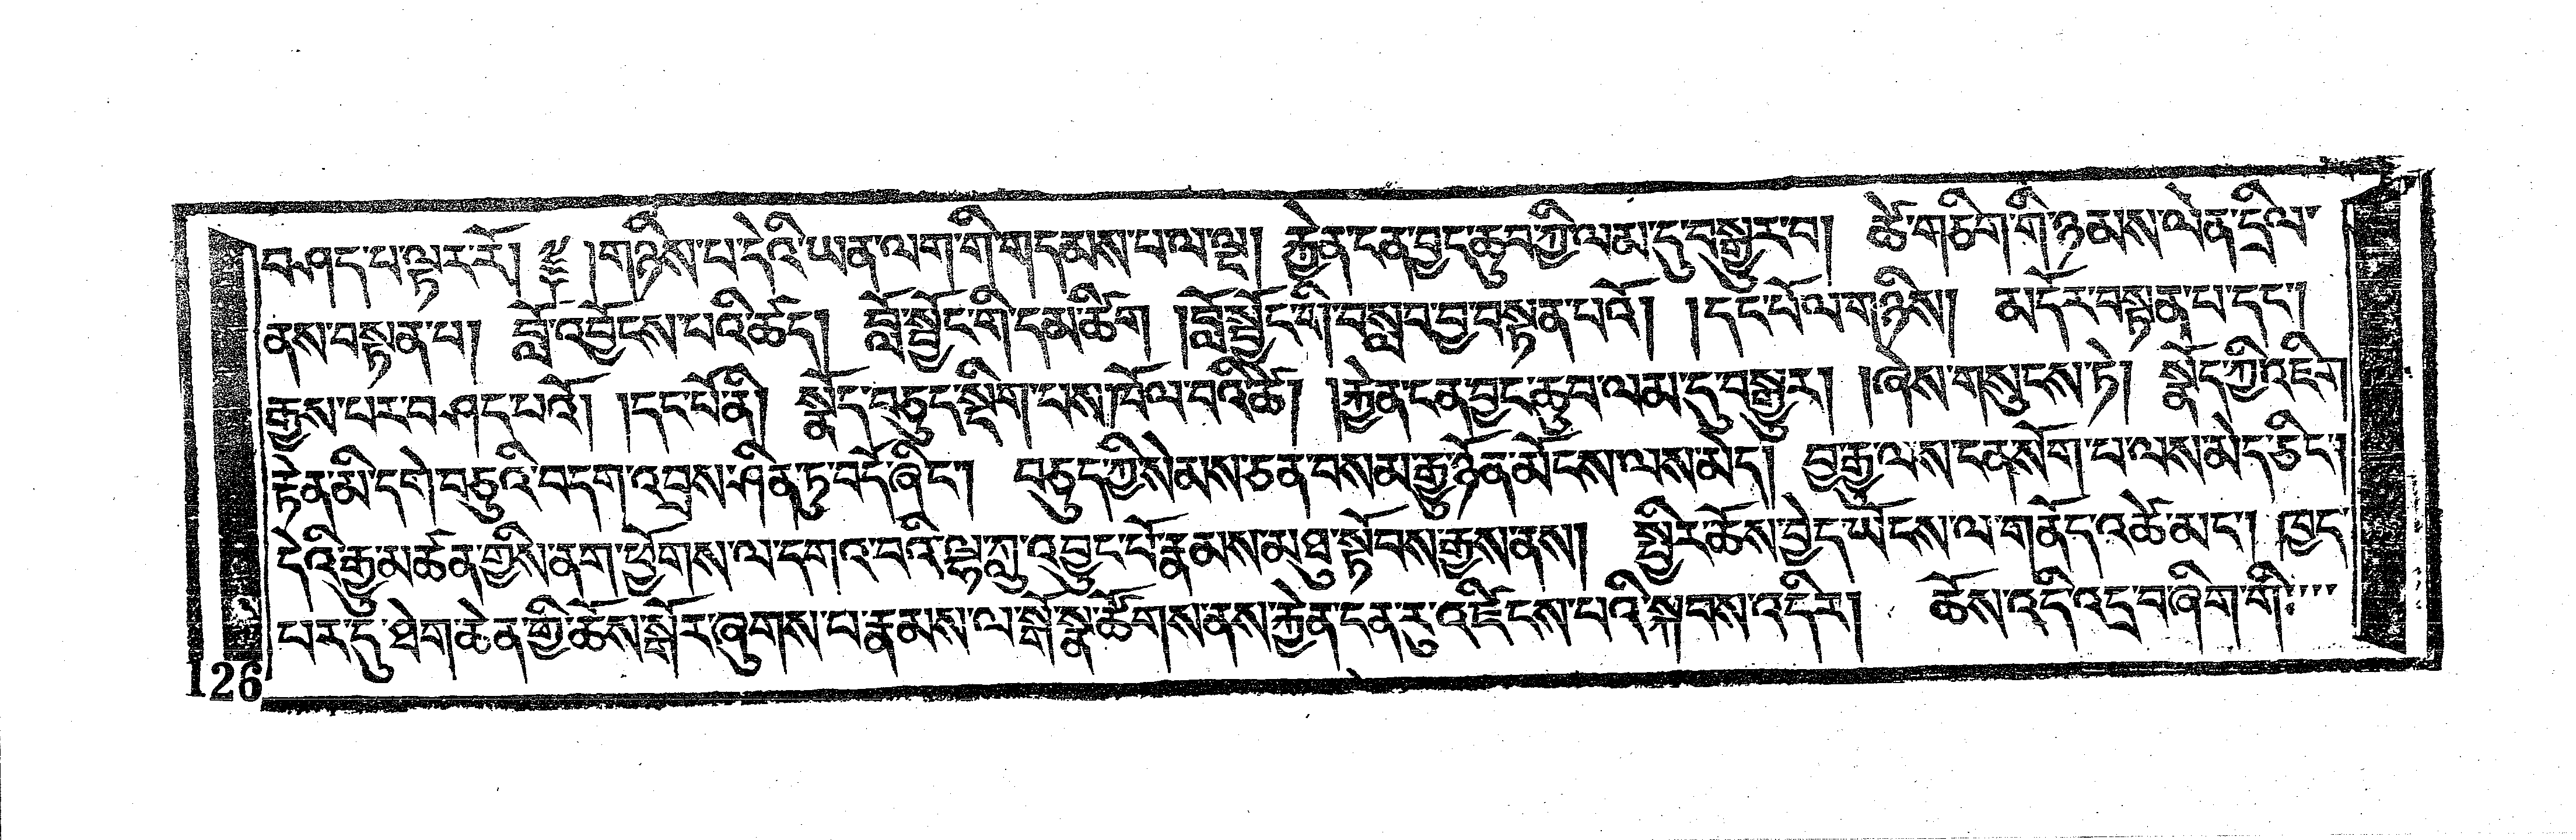བཤད་པ་ལྟར་རོ། ༈ །གཉིས་པ་དེའི་ཡན་ལག་གི་གདམས་པ་ལ་ལྔ། རྐྱེན་ངན་བྱང་ཆུབ་ཀྱི་ལམ་དུ་བསྒྱུར་བ། ཚེ་གཅིག་གི་ཉམས་ལེན་དྲིལ་
ནས་བསྟན་པ། བློ་འབྱོངས་པའི་ཚད། བློ་སྦྱོང་གི་དམ་ཚིག །བློ་སྦྱོང་གི་བསླབ་བྱ་བསྟན་པའོ། །དང་པོ་ལ་གཉིས། མདོར་བསྟན་པ་དང་།
རྒྱས་པར་བཤད་པའོ། །དང་པོ་ནི། སྣོད་བཅུད་སྡིག་པས་ཁོལ་བའི་ཚེ། །རྐྱེན་ངན་བྱང་ཆུབ་ལམ་དུ་བསྒྱུར། །ཞེས་གསུངས་ཏེ། སྣོད་ཀྱི་འཇིག་
རྟེན་མི་དགེ་བཅུའི་བདག་འབྲས་ཤིན་ཏུ་བདོ་ཞིང་། བཅུད་ཀྱི་སེམས་ཅན་བསམ་རྒྱུ་ཉོན་མོངས་ལས་མེད། བྱ་རྒྱུ་ལས་ངན་སོག་པ་ལས་མེད་ཅིང་།
དེའི་རྒྱུ་མཚན་གྱིས་ནག་ཕྱོགས་ལ་དགའ་བའི་ལྷ་ཀླུ་འབྱུང་པོ་རྣམས་མཐུ་སྟོབས་རྒྱས་ནས། སྤྱིར་ཆོས་བྱེད་ཡོངས་ལ་གནོད་འཚེ་མང་། ཁྱད་
པར་དུ་ཐེག་ཆེན་གྱི་ཆོས་སྒོར་ཞུགས་པ་རྣམས་ལ་སྒོ་སྣ་ཚོགས་ནས་རྐྱེན་ངན་རུ་འཛིངས་པའི་སྐབས་འདིར། ཆོས་འདི་འདྲ་བ་ཞིག་གི་